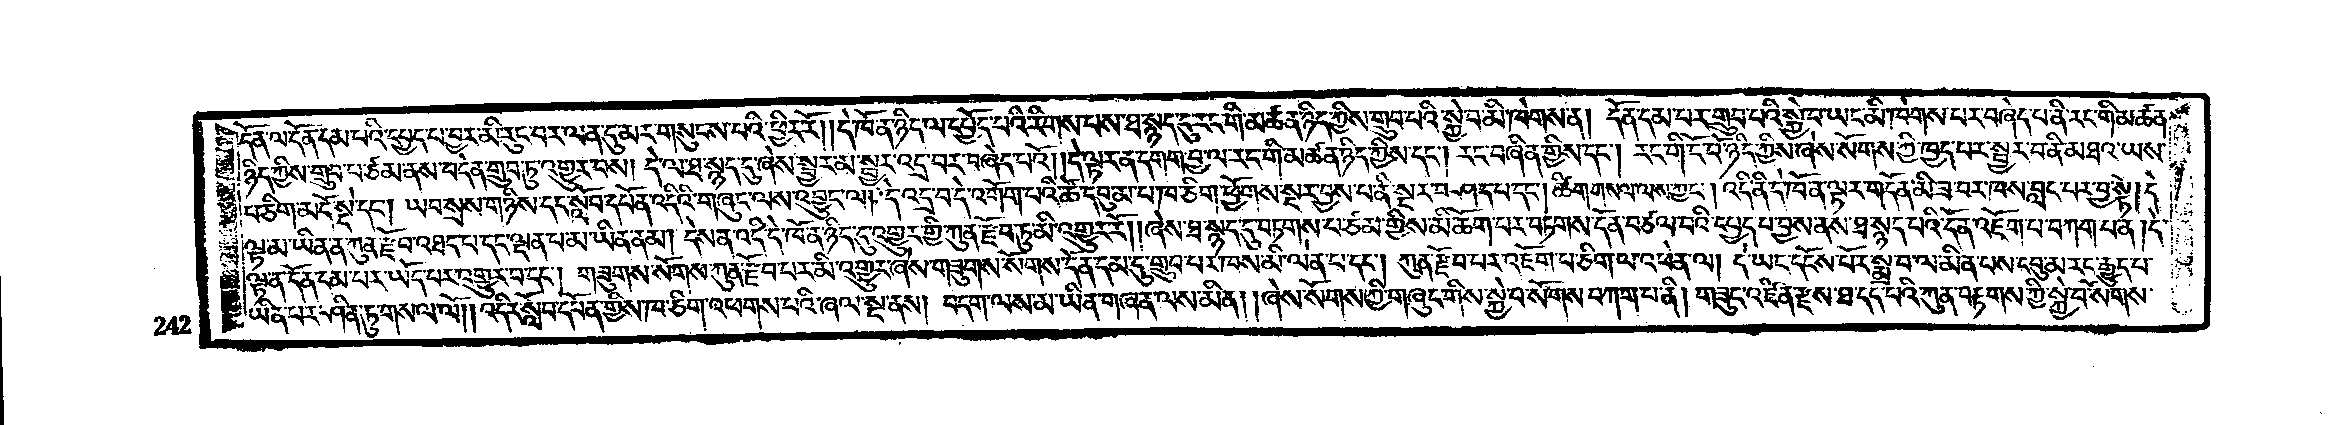དོན་ལ་དོན་དམ་པའི་དཔྱད་པ་བྱར་མི་རུང་བར་ལན་དུ་མར་གསུངས་པའི་ཕྱིར་རོ། །དེ་ཁོ་ན་ཉིད་ལ་དཔྱོད་པའི་རིགས་པས་ཐ་སྙད་དུ་རང་གི་མཚན་ཉིད་ཀྱིས་གྲུབ་པའི་སྐྱེ་བ་མི་ཁེགས་ན། དོན་དམ་པར་གྲུབ་པའི་སྐྱེ་བ་ཡང་མི་ཁེགས་པར་བཞེད་པ་ནི་རང་གི་མཚན་
ཉིད་ཀྱིས་གྲུབ་པ་ཙམ་ནས་བདེན་གྲུབ་ཏུ་འགྱུར་བས། དེ་ལ་ཐ་སྙད་དུ་ཞེས་སྦྱར་མ་སྦྱར་འདྲ་བར་བཞེད་པའོ། །དེ་ལྟར་ན་དགག་བྱ་ལ་རང་གི་མཚན་ཉིད་ཀྱིས་དང་། རང་བཞིན་གྱིས་དང་། རང་གི་ངོ་བོ་ཉིད་ཀྱིས་ཞེས་སོགས་ཀྱི་ཁྱད་པར་སྦྱར་བ་ནི་མཐའ་ཡས་
པ་ཅིག་མདོ་སྡེ་དང་། ཡབ་སྲས་གཉིས་དང་སློབ་དཔོན་འདིའི་གཞུང་ལས་འབྱུང་ལ། དེ་འདྲ་བ་དེ་འགོག་པའི་ཚེ་དབུ་མ་པ་ཁ་ཅིག་ཕྱོགས་སྔར་བྱས་པ་ནི་སྔར་བཤད་པ་དང་། ཚིག་གསལ་ལས་ཀྱང་། འདི་ནི་དེ་ཁོ་ན་ལྟར་གདོན་མི་ཟ་བར་ཁས་བླང་བར་བྱ་སྟེ། དེ་
ལྟ་མ་ཡིན་ན་ཀུན་རྫོབ་འཐད་པ་དང་ལྡན་པ་མ་ཡིན་ནམ། དེས་ན་འདི་དེ་ཁོ་ན་ཉིད་དུ་འགྱུར་གྱི་ཀུན་རྫོབ་ཏུ་མི་འགྱུར་རོ། །ཞེས་ཐ་སྙད་དུ་བཏགས་པ་ཙམ་གྱིས་མི་ཆོག་པར་བཏགས་དོན་བཙལ་བའི་དཔྱད་པ་བྱས་ནས་ཐ་སྙེད་པའི་དོན་འཇོག་པ་བཀག་པ་ན། དེ་
ལྟ་ན་དོན་དམ་པར་ཡོད་པར་འགྱུར་བ་དང་། གཟུགས་སོགས་ཀུན་རྫོབ་པར་མི་འགྱུར་ཞེས་གཟུགས་སོགས་དོན་དམ་དུ་གྲུབ་པར་ཁས་མི་ལེན་པ་དང་། ཀུན་རྫོབ་པར་འཇོག་པ་ཅིག་ལ་འཕེན་ལ། དེ་ཡང་དངོས་པོར་སྨྲ་བ་ལ་མིན་པས་དབུ་མ་རང་རྒྱུད་པ་
ཡིན་པར་ཤིན་ཏུ་གསལ་ལོ། །འདིར་སློབ་དཔོན་གྱིས་ཁ་ཅིག་འཕགས་པའི་ཞལ་སྔ་ནས། བདག་ལས་མ་ཡིན་གཞན་ལས་མིན། །ཞེས་སོགས་ཀྱི་གཞུང་གིས་སྐྱེ་བ་སོགས་བཀག་པ་ནི། གཟུང་འཛིན་རྫས་ཐ་དད་པའི་ཀུན་བརྟགས་ཀྱི་སྐྱེ་བ་སོགས་